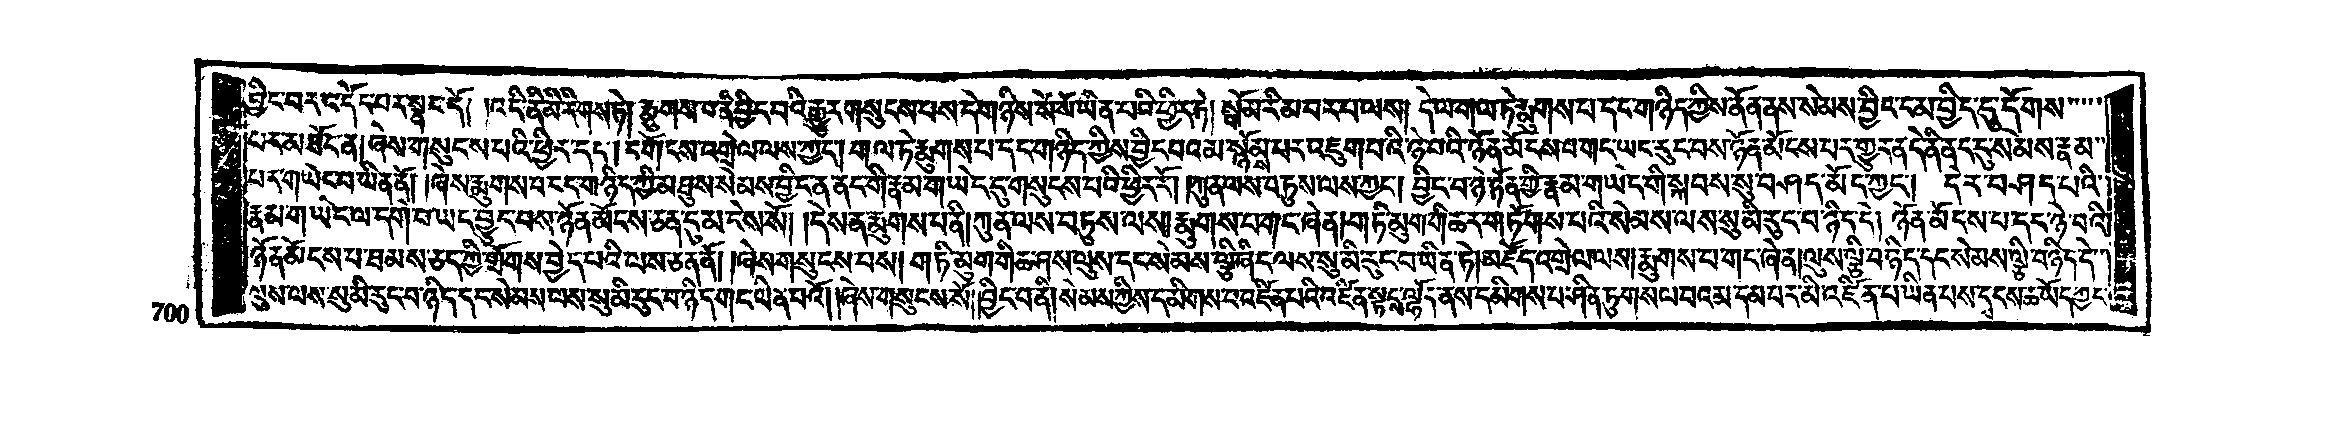བྱིང་བར་འདོད་པར་སྣང་ངོ། །འདི་ནི་རིགས་ཏེ། རྨུགས་པ་ནི་བྱིང་བའི་རྒྱུར་གསུངས་པས་དེ་གཉིས་སོ་སོ་ཡིན་པའི་ཕྱིར་ཏེ། སྒོམ་རིམ་བར་པ་ལས། དེ་ལ་གལ་ཏེ་རྨུགས་པ་དང་གཉིད་ཀྱིས་ནོན་ནས་སེམས་བྱིང་ངམ་བྱིང་དུ་དོགས་
པར་མཐོང་ན། ཞེས་གསུངས་པའི་ཕྱིར་དང་། དགོངས་འགྲེལ་ལས་ཀྱང་། གལ་ཏེ་རྨུགས་པ་དང་གཉིད་ཀྱིས་བྱིང་བའམ་སྙོམས་པར་འཇུག་པའི་ཉེ་བའི་ཉོན་མོངས་པ་གང་ཡང་རུང་བས་ཉོན་མོངས་པར་གྱུར་ན་དེ་ནི་ནང་དུ་སེམས་རྣམ་
པར་གཡེང་བ་ཡིན་ནོ། །ཞེས་རྨུགས་པ་དང་གཉིད་ཀྱི་མཐུས་སེམས་བྱིང་ན་ནང་གི་རྣམ་གཡེང་དུ་གསུངས་པའི་ཕྱིར་རོ། །ཀུན་ལས་བཏུས་ལས་ཀྱང་། བྱིང་བ་ཉེ་ཉོན་གྱི་རྣམ་གཡེང་གི་སྐབས་སུ་བཤད་མོད་ཀྱང་། དེར་བཤད་པའི་
རྣམ་གཡེང་ལ་དགེ་བ་ཡང་བྱུང་བས་ཉོན་མོངས་ཅན་དུ་མ་ངེས་སོ། །དེས་ན་རྨུགས་པ་ནི། ཀུན་ལས་བཏུས་ལས། རྨུགས་པ་གང་ཞེ་ན། གཏི་མུག་གི་ཆར་གཏོགས་པའི་སེམས་ལས་སུ་མི་རུང་བ་ཉིད་དེ། ཉོན་མོངས་པ་དང་ཉེ་བའི་
ཉོན་མོངས་པ་ཐམས་ཅད་ཀྱི་གྲོགས་བྱེད་པའི་ལས་ཅན་ནོ། །ཞེས་གསུངས་པས། གཏི་མུག་གི་ཆ་ཤས་ལུས་དང་སེམས་ལྕི་ཞིང་ལས་སུ་མི་རུང་བ་ཡིན་ཏེ། མཛོད་འགྲེལ་ལས། རྨུགས་པ་གང་ཞེ་ན། ལུས་ལྕི་བ་ཉིད་དང་སེམས་ལྕི་བ་ཉིད་དེ་ལུས་
ལས་སུ་མི་རུང་བ་ཉིད་དང་སེམས་ལས་སུ་མི་རུང་བ་ཉིད་གང་ཡིན་པའོ། །ཞེས་གསུངས་སོ། །བྱིང་བ་ནི། སེམས་ཀྱིས་དམིགས་པ་འཛིན་པའི་འཛིན་སྟངས་ལྷོད་ནས་དམིགས་པ་ཤིན་ཏུ་གསལ་བའམ་དམ་པར་མི་འཛིན་པ་ཡིན་པས་དྭངས་ཆ་ཡོད་ཀྱང་